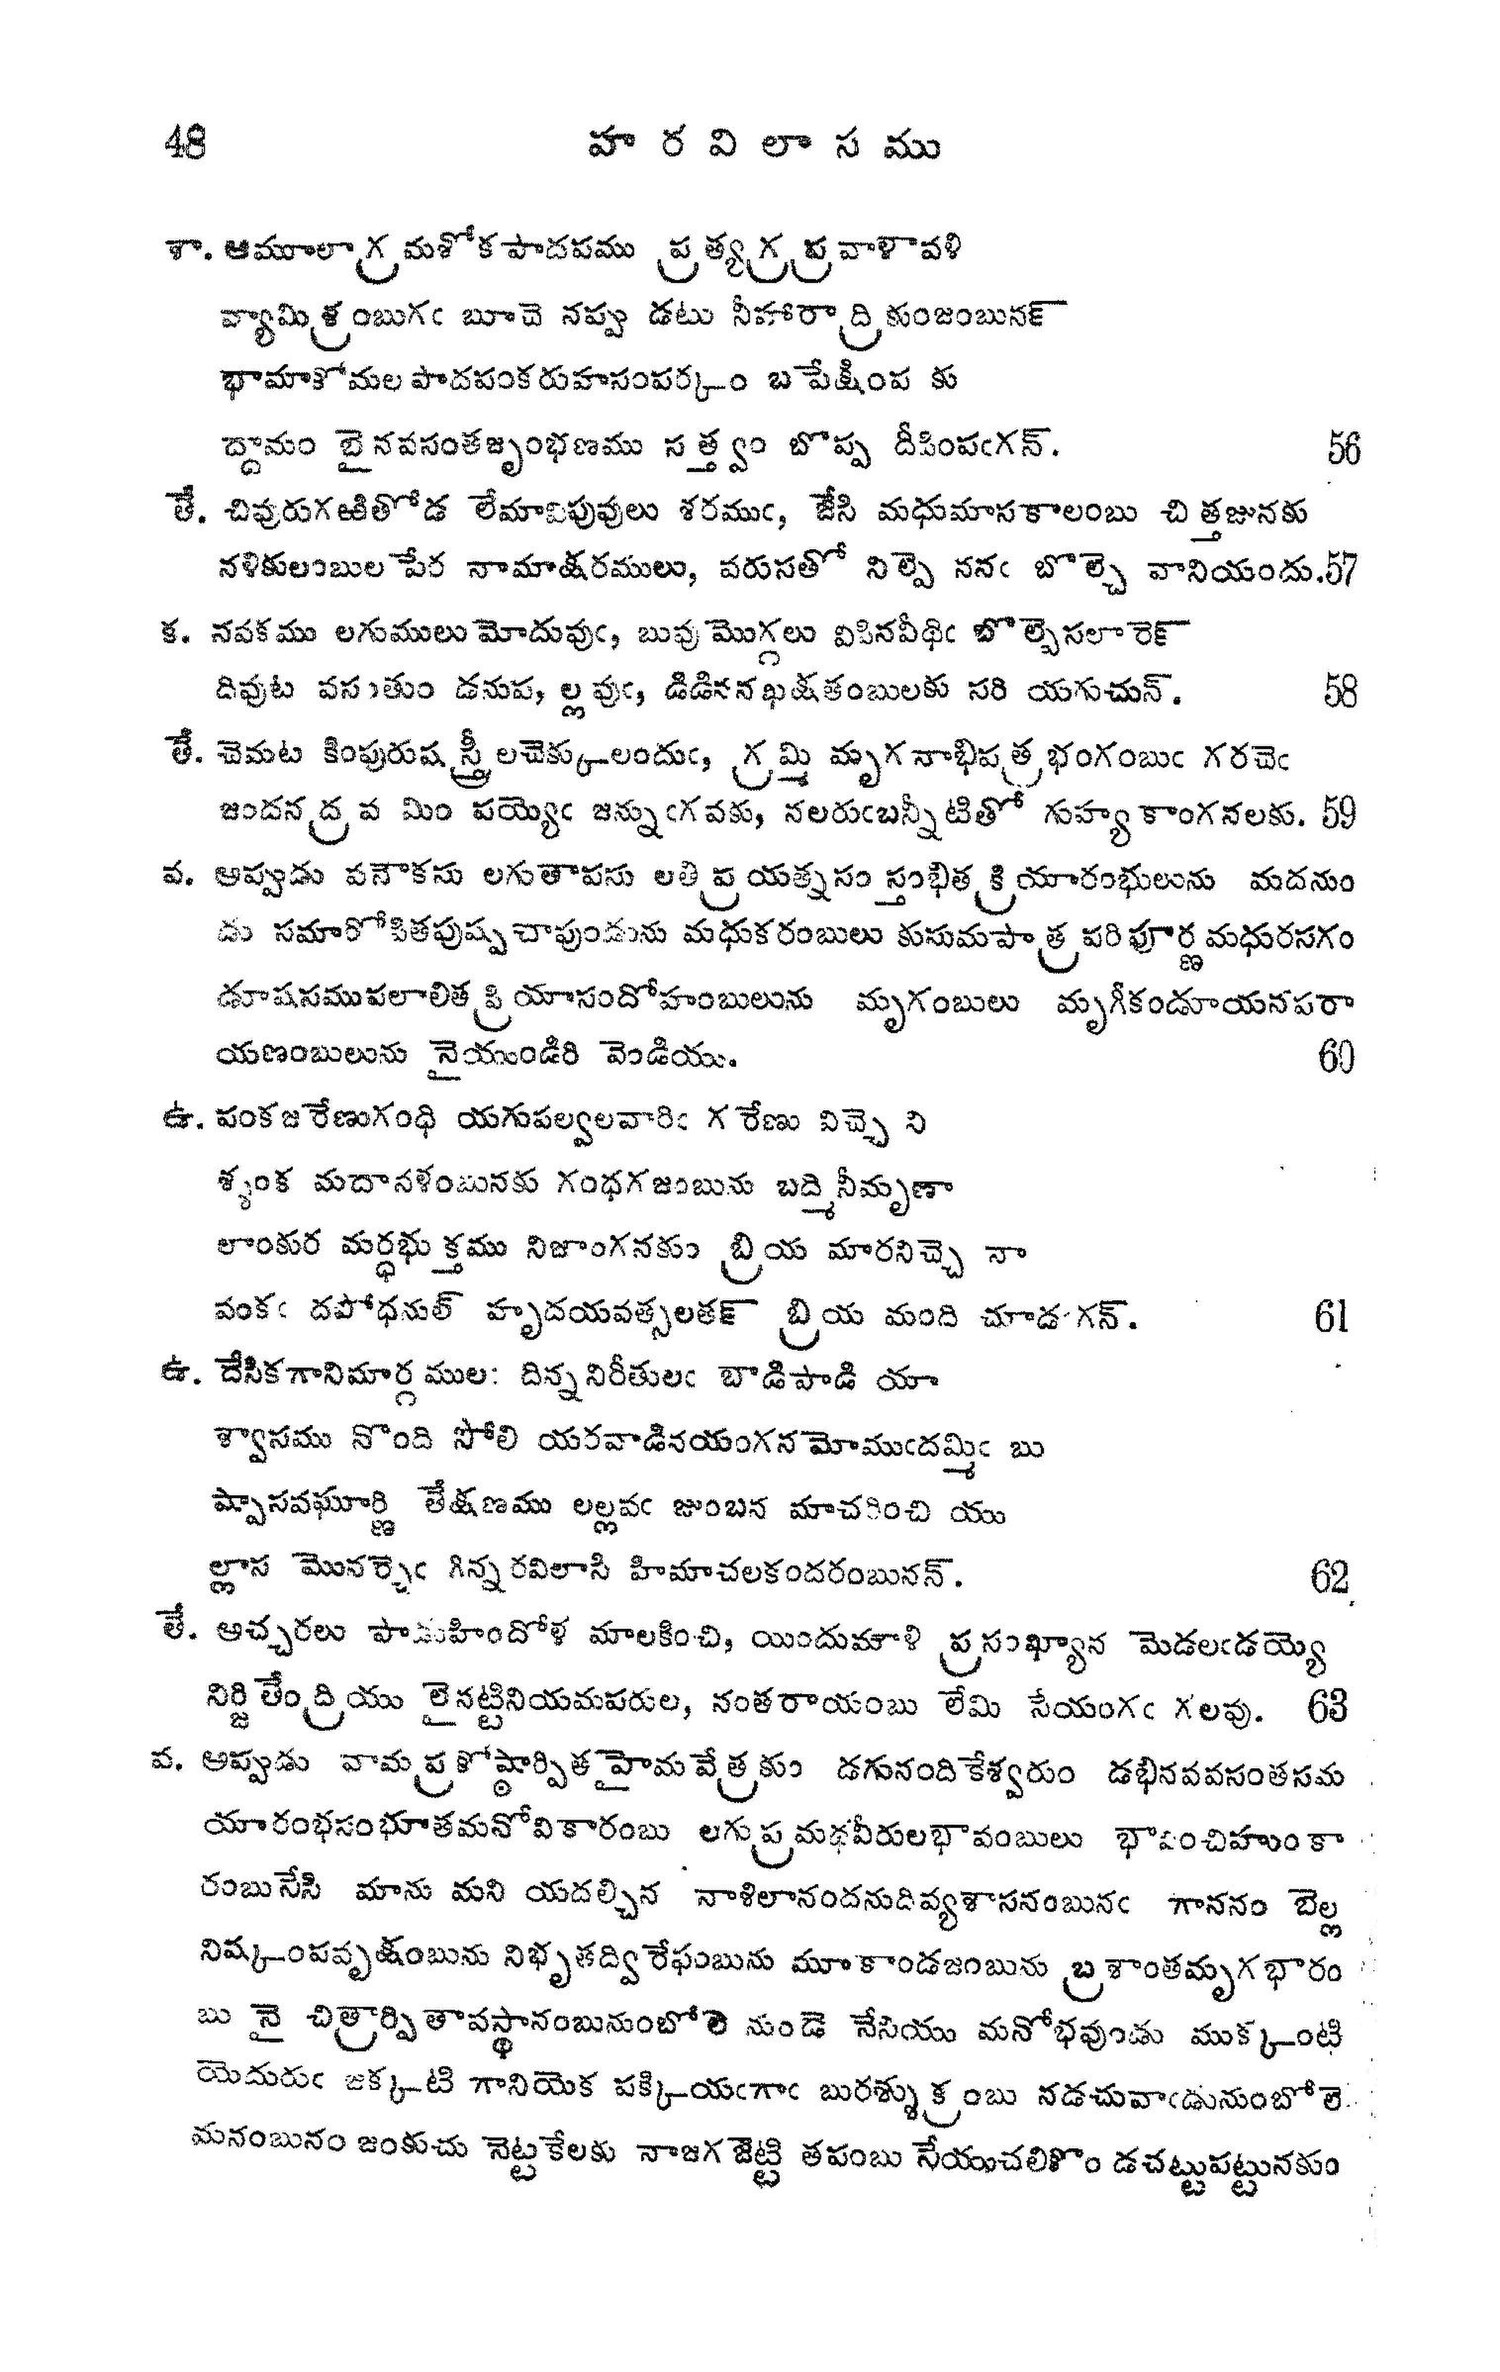శా. ఆమూలాగ్రమశోకపాదపము ప్రత్యగ్రప్రవాళావళి
వ్యామిశ్రంబుగఁ బూచె నప్పు డటు నీహారాద్రికుంజంబునన్
భామాకోమలపాదపంకరుహసంపర్కం బపేక్షింప కు
ద్దామం బైనవసంతజృంభణము సత్త్వం బొప్ప దీపింపఁగన్. 56

తే. చివురుగఱితోడ లేమావిపువులు శరముఁ, జేసి మధుమాసకాలంబు చిత్తజునకు
నళికులంబుల పేర నామాక్షరములు, వరుసతో నిల్పె ననఁ బొల్చె వానియందు. 57

క. నవకము లగుములుమోదువుఁ, బువు మొగ్గలు విపినవీథిఁ బొల్పెసలారెన్
దివుట వసంతుం డను ప, ల్లవుఁ డిడిన నఖక్షతంబులకు సరి యగుచున్. 58

తే. చెమట కింపురుషస్త్రీలచెక్కులందుఁ, గ్రమ్మి మృగనాభిపత్రభంగంబుఁ గరచెఁ
జందనద్రవ మిం పయ్యెఁ జన్నుఁగవకు, నలరుఁబన్నీటితో గుహ్యకాంగనలకు. 59

వ. అప్పుడు వనౌకసు లగుతాపసు లతి ప్రయత్నసంస్తంభితక్రియారంభులును మదనుండు సమారోపితపుష్పచాపుండును మధుకరంబులు కుసుమపాత్రపరిపూర్ణమధురసగండూషసముపలాలితప్రియాసందోహంబులును మృగంబులు మృగీకండూయనపరాయణంబులును నైయుండిరి వెండియు. 60

ఉ. పంకజరేణుగంధి యగుపల్వలవారిఁ గరేణు విచ్చె ని
శ్శంకమదావళంబునకు గంధగజంబును బద్మినీమృణా
లాంకురమర్ధభుక్తము నిజాంగనకుం బ్రియమార నిచ్చె నా
వంకఁ దపోధనుల్ హృదయవత్సలతన్ బ్రియ మంది చూడఁగన్. 61

ఉ. దేసికగానమార్గములఁ దిన్ననిరీతులఁ బాడిపాడి యా
శ్వాసము నొంది సోలి యరవాడినయంగన మోముఁదమ్మిఁ బు
ష్పాసవఘూర్ణితేక్షణము లల్లనఁ జుంబన మాచరించి యు
ల్లాస మొనర్చెఁ గిన్నరవిలాసి హిమాచలకందరంబునన్. 62

తే. అచ్చరలు పాడుహిందోళ మాలకించి, యిందుమౌళి ప్రసంఖ్యాన మెడలఁడయ్యె
నిర్జితేంద్రియు లైనట్టినియమపరుల, నంతరాయంబు లేమి సేయంగఁ గలవు. 63

వ. అప్పుడు వామప్రకోష్ఠార్పితహైమవేత్రకుం డగునందికేశ్వరుం డభినవవసంతసమయారంభసంభూతమనోవికారంబు లగు ప్రమథవీరులభావంబులు భావించి హుంకారంబు సేసి మాను మని యదల్చిన నాశిలానందనుదివ్యశాసనంబునఁ గాననం బెల్ల నిష్కంపవృక్షంబును నిభృశద్విరేఫంబును మూకాండజంబును బ్రశాంతమృగభారంబునై చిత్రార్పితావస్థానంబునుంబోలె నుండె నేనియు మనోభవుండు ముక్కంటి యెదురుఁ జక్కటిగాని యెకపక్కియఁగాఁ బురశ్శుక్రంబు నడచువాఁడునుంబోలె మనంబునం జంకుచు నెట్టకేలకు నాజగజెట్టి తపంబు సేయు చలికొండచట్టుపట్టునకుం